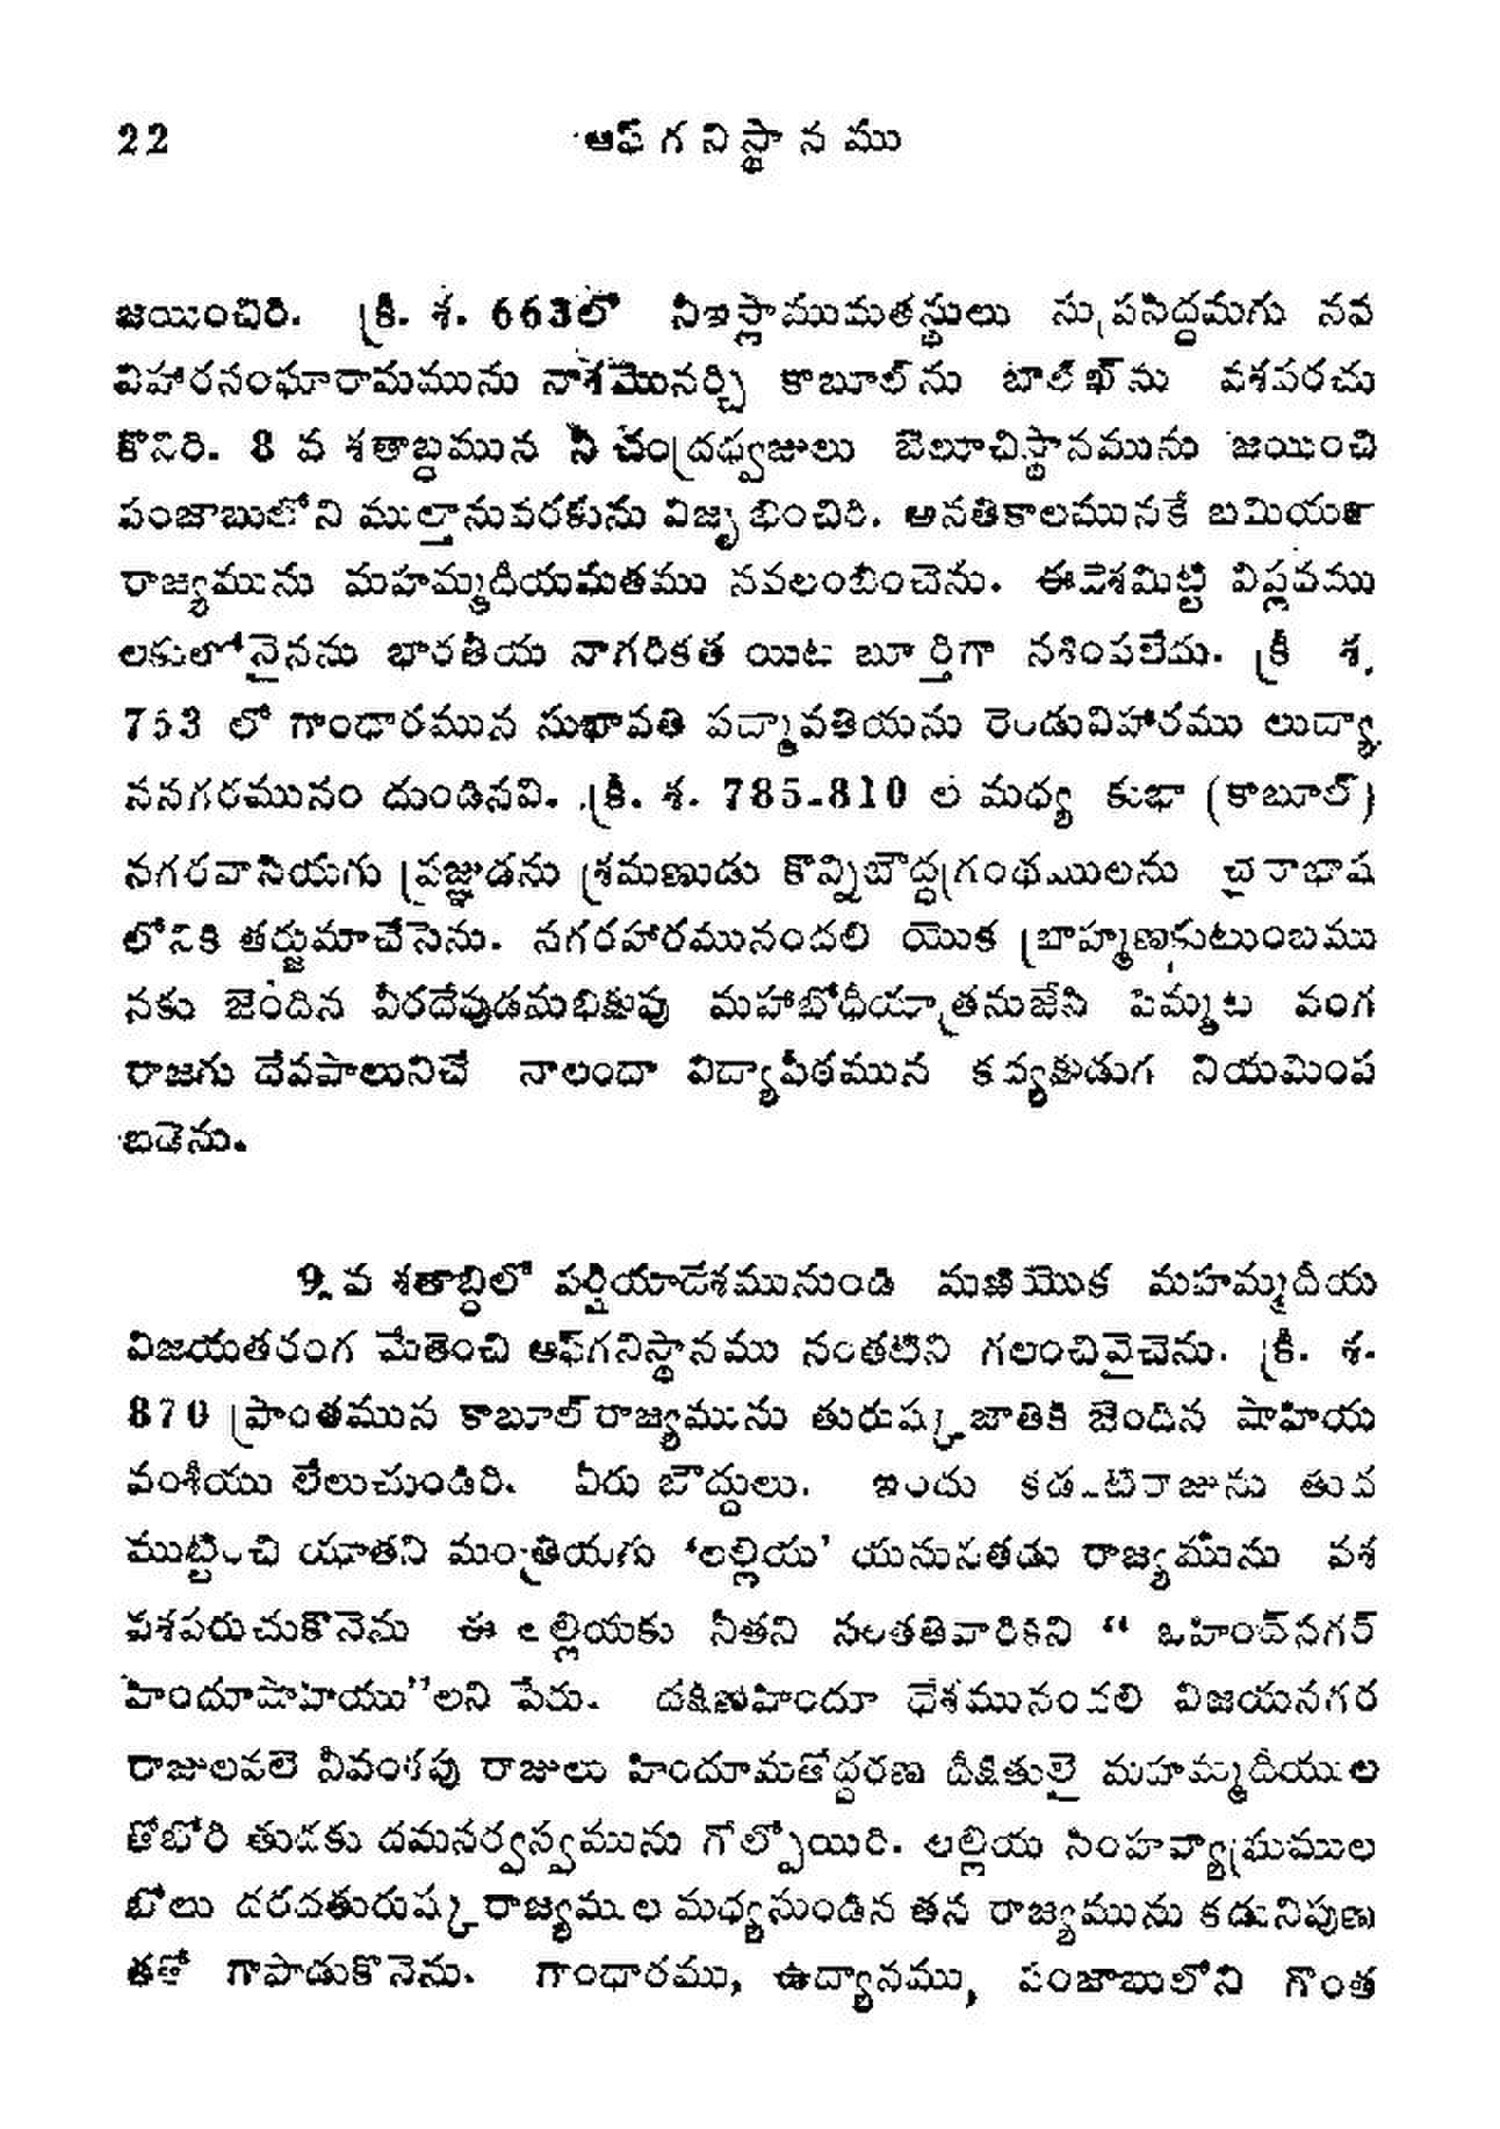జయించిరి. క్రీ. శ. 663 లో నీఇస్లాముమతస్థులు సుప్రసిద్దమగు నవ విహారసంఘారామమును నాశమొనర్చి కాబూల్‌ను బాల్‌ఖ్‌ను వశపరచుకొనిరి. 8 వ శతాబ్దమున నీ చంద్రద్వజులు బెలూచిస్థానమును జయించి పంజాబులోని ముల్తానువరకును విజృంభించిరి. అనతికాలమునకే బమియన్ రాజ్యమును మహమ్మదీయమతము నవలంభించెను. ఈదేశమిట్టి విప్లవములకులోనైనను భారతీయ నాగరికత యిట బూర్తిగా నశింపలేదు. క్రీ. శ. 753 లో గాంధారమున సుఖావతి పద్మావతియను రెండువిహారము లుద్యాననగరమునం దుండినవి. క్రీ. శ. 785-810 ల మధ్య కుభా (కాబూల్) నగరవాసియగు ప్రజ్ఞుడను శ్రమణుడు కొన్నిబౌద్దగ్రంథములను చైనాభాషలోనికి తర్జుమాచేసెను. నగరహారమునందలి యొక బ్రాహ్మణకుటుంబమునకు జెందిన వీరదేవుడనుభిక్షువు మహాబోధీయాత్రనుజేసి పిమ్మట వంగ రాజగు దేవపాలునిచే నాలందా విద్యాపీఠమున కధ్యక్షుడుగ నియమింపబడెను.

9 వ శతాబ్దిలో పర్షియాదేశమునుండి మఱియొక మహమ్మదీయ విజయతరంగ మేతెంచి ఆఫ్‌గనిస్థానము నంతటిని గలంచివైచెను. క్రీ. శ. 870 ప్రాంతమున కాబూల్‌రాజ్యమును తురుష్కజాతికి జెందిన షాహియ వంశీయు లేలుచుండిరి. వీరు బౌద్దులు. ఇందు కడపటిరాజును తుదముట్టించి యాతని మంత్రియగు 'లల్లియ' యనునతడు రాజ్యమును వశపరుచుకొనెను. ఈ లల్లియకు నీతని సంతతివారికిని "ఒహింద్‌అగర్ హిందూషాహియు" లని పేరు. దక్షిణహిందూ దేశమునందలి విజయనగర రాజులవలె నీవంశపు రాజులు హిందూమతోద్దరణ దీక్షితులై మహమ్మదీయులతోబోరి. తుదకు దమసర్వస్వమును గోల్పోయిరి. లల్లియ సింహవ్యాఘ్రములబోలు దరదతురుష్క రాజ్యముల మధ్యనుండిన తన రాజ్యమును కడునిపుణతతో గాపాడుకొనెను. గాంధారము, ఉద్యానము, పంజాబులోని గొంత